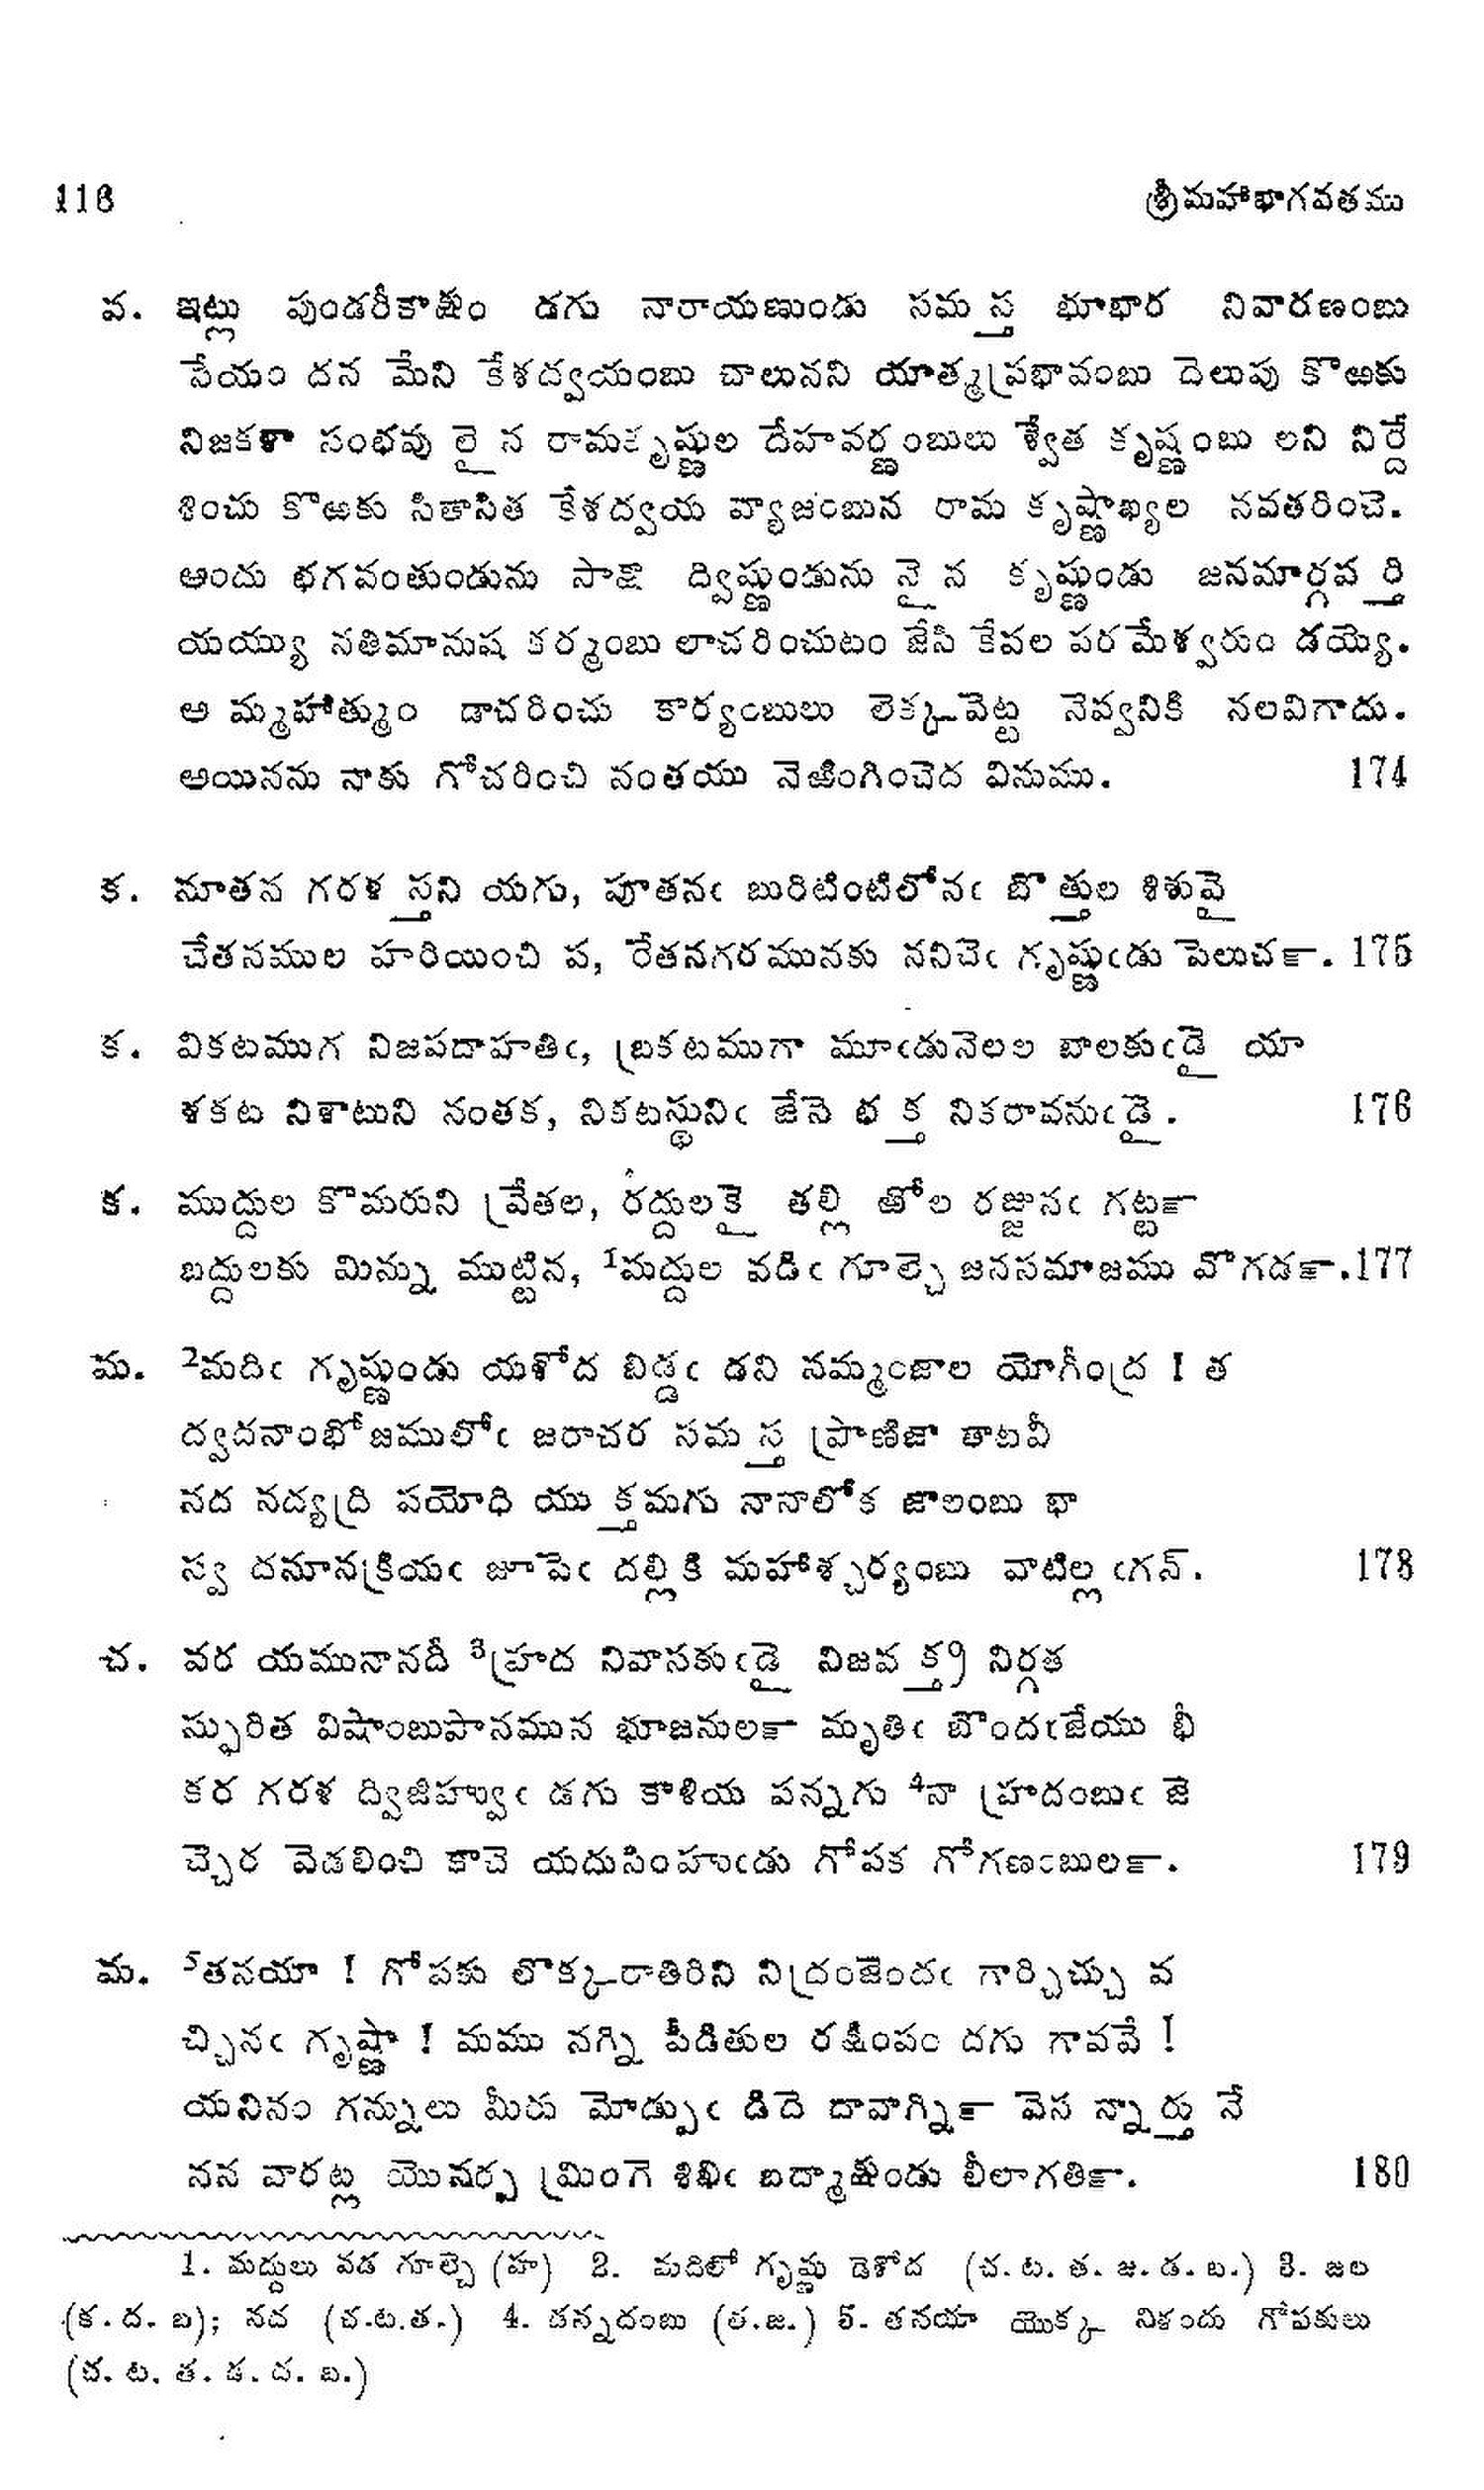116

వ. ఇట్లు పుండరీకాక్షుం డగు నారాయణుండు సమస్త భూభార నివారణంబు సేయందన మేని కేశద్వయంబు చాలునని యాత్మప్రభావంబు దెలుపు కొఱకు నిజకళా సంభవులైన రామకృష్ణుల దేహవర్ణంబులు శ్వేత కృష్ణంబు లని నిర్దేశించు కొఱకు సితాసిత కేశద్వయ వ్యాజంబున రామ కృష్ణాఖ్యల నవతరించె. అందు భగవంతుడును సాక్షా ద్విష్ణుండును నైన కృష్ణుండు జనమార్గవర్తి యయ్యు నతిమానుష కర్మంబు లాచరించుటం జేసి కేవల పరమేశ్వరుం డయ్యె. అ మ్మహాత్ముండాచరించు కార్యంబులు లెక్కవెట్ట నెవ్వరికి నలవిగాదు. అయినను నాకు గోచరించి నంతయు నెఱింగించెద వినుము. ( 174 )

క. నూతన గరళ స్తని యగు, పూతనఁ బురిటింటిలోనఁ బొత్తుల శిశువై

చేతనముల హరియించి ప, రేతనగరమునకు ననిచెఁ గృష్ణుఁడు పెలుచన్. ( 175 )

క. వికటముగ నిజపదాహతిఁ, బ్రకటముగా మూఁడు నెలల బాలకుఁడై యా

శకట నిశాటుని నంతక, నికటస్థునిఁ జేసెభక్త నికరావనుఁడై. ( 176 )

క. ముద్దుల కొమరుని వ్రేతల, రద్దులకై తల్లి ఱోల రజ్జునఁ గట్టన్

బద్దులకు మిన్ను ముట్టిన, మద్దుల వడిఁ గూల్చె జనసమాజము వొగడన్. ( 177 )

మ. మదిఁ గృష్ణుండు యశోద బిడ్డఁ డని నమ్మంజాల యోగీంద్ర ! త

ద్వదనాంభోజములోఁ జరాచర సమస్త ప్రాణిజా తాటవీ

నది నద్యద్రి పయోధి యుక్తమగు నానాలోక జాలంబు భా

స్వ దనూనక్రియఁ జూపెఁ దల్లికి మహాశ్చర్యంబు వాటిల్లగఁన్. ( 178 )

చ. వర యమునానది హ్రద నివాసకుఁడై నిజవక్తృ నిర్గత

స్ఫురిత విషాంబుపానమున భూజనులన్ మృతిఁ బొందఁజేయు భీ

కర గరళ ద్విజిహ్వుఁ డగు కాళీయ పన్నగు నా హ్రదంబుఁ జె

చ్చెర వెడలించి కాచె యదుసింహుఁడు గోపక గోగణంబులన్. ( 179 )

మ. తనయా! గోపకు లొక్కరాతిరిని నిద్రంజెందఁ గార్చిచ్చు వ

చ్చినఁ గృష్ణా! మము నగ్ని పీడితుల రక్షింపం దగు గావవే!

యనినం గన్నులు మీరు మోడ్పుఁ డిదె దావాగ్నిన్ వెస న్నార్తు నే

నన వారట్ల యొనర్ప మ్రింగె శిఖిఁ బద్మాక్షుండు లీలాగతిన్. ( 180 )